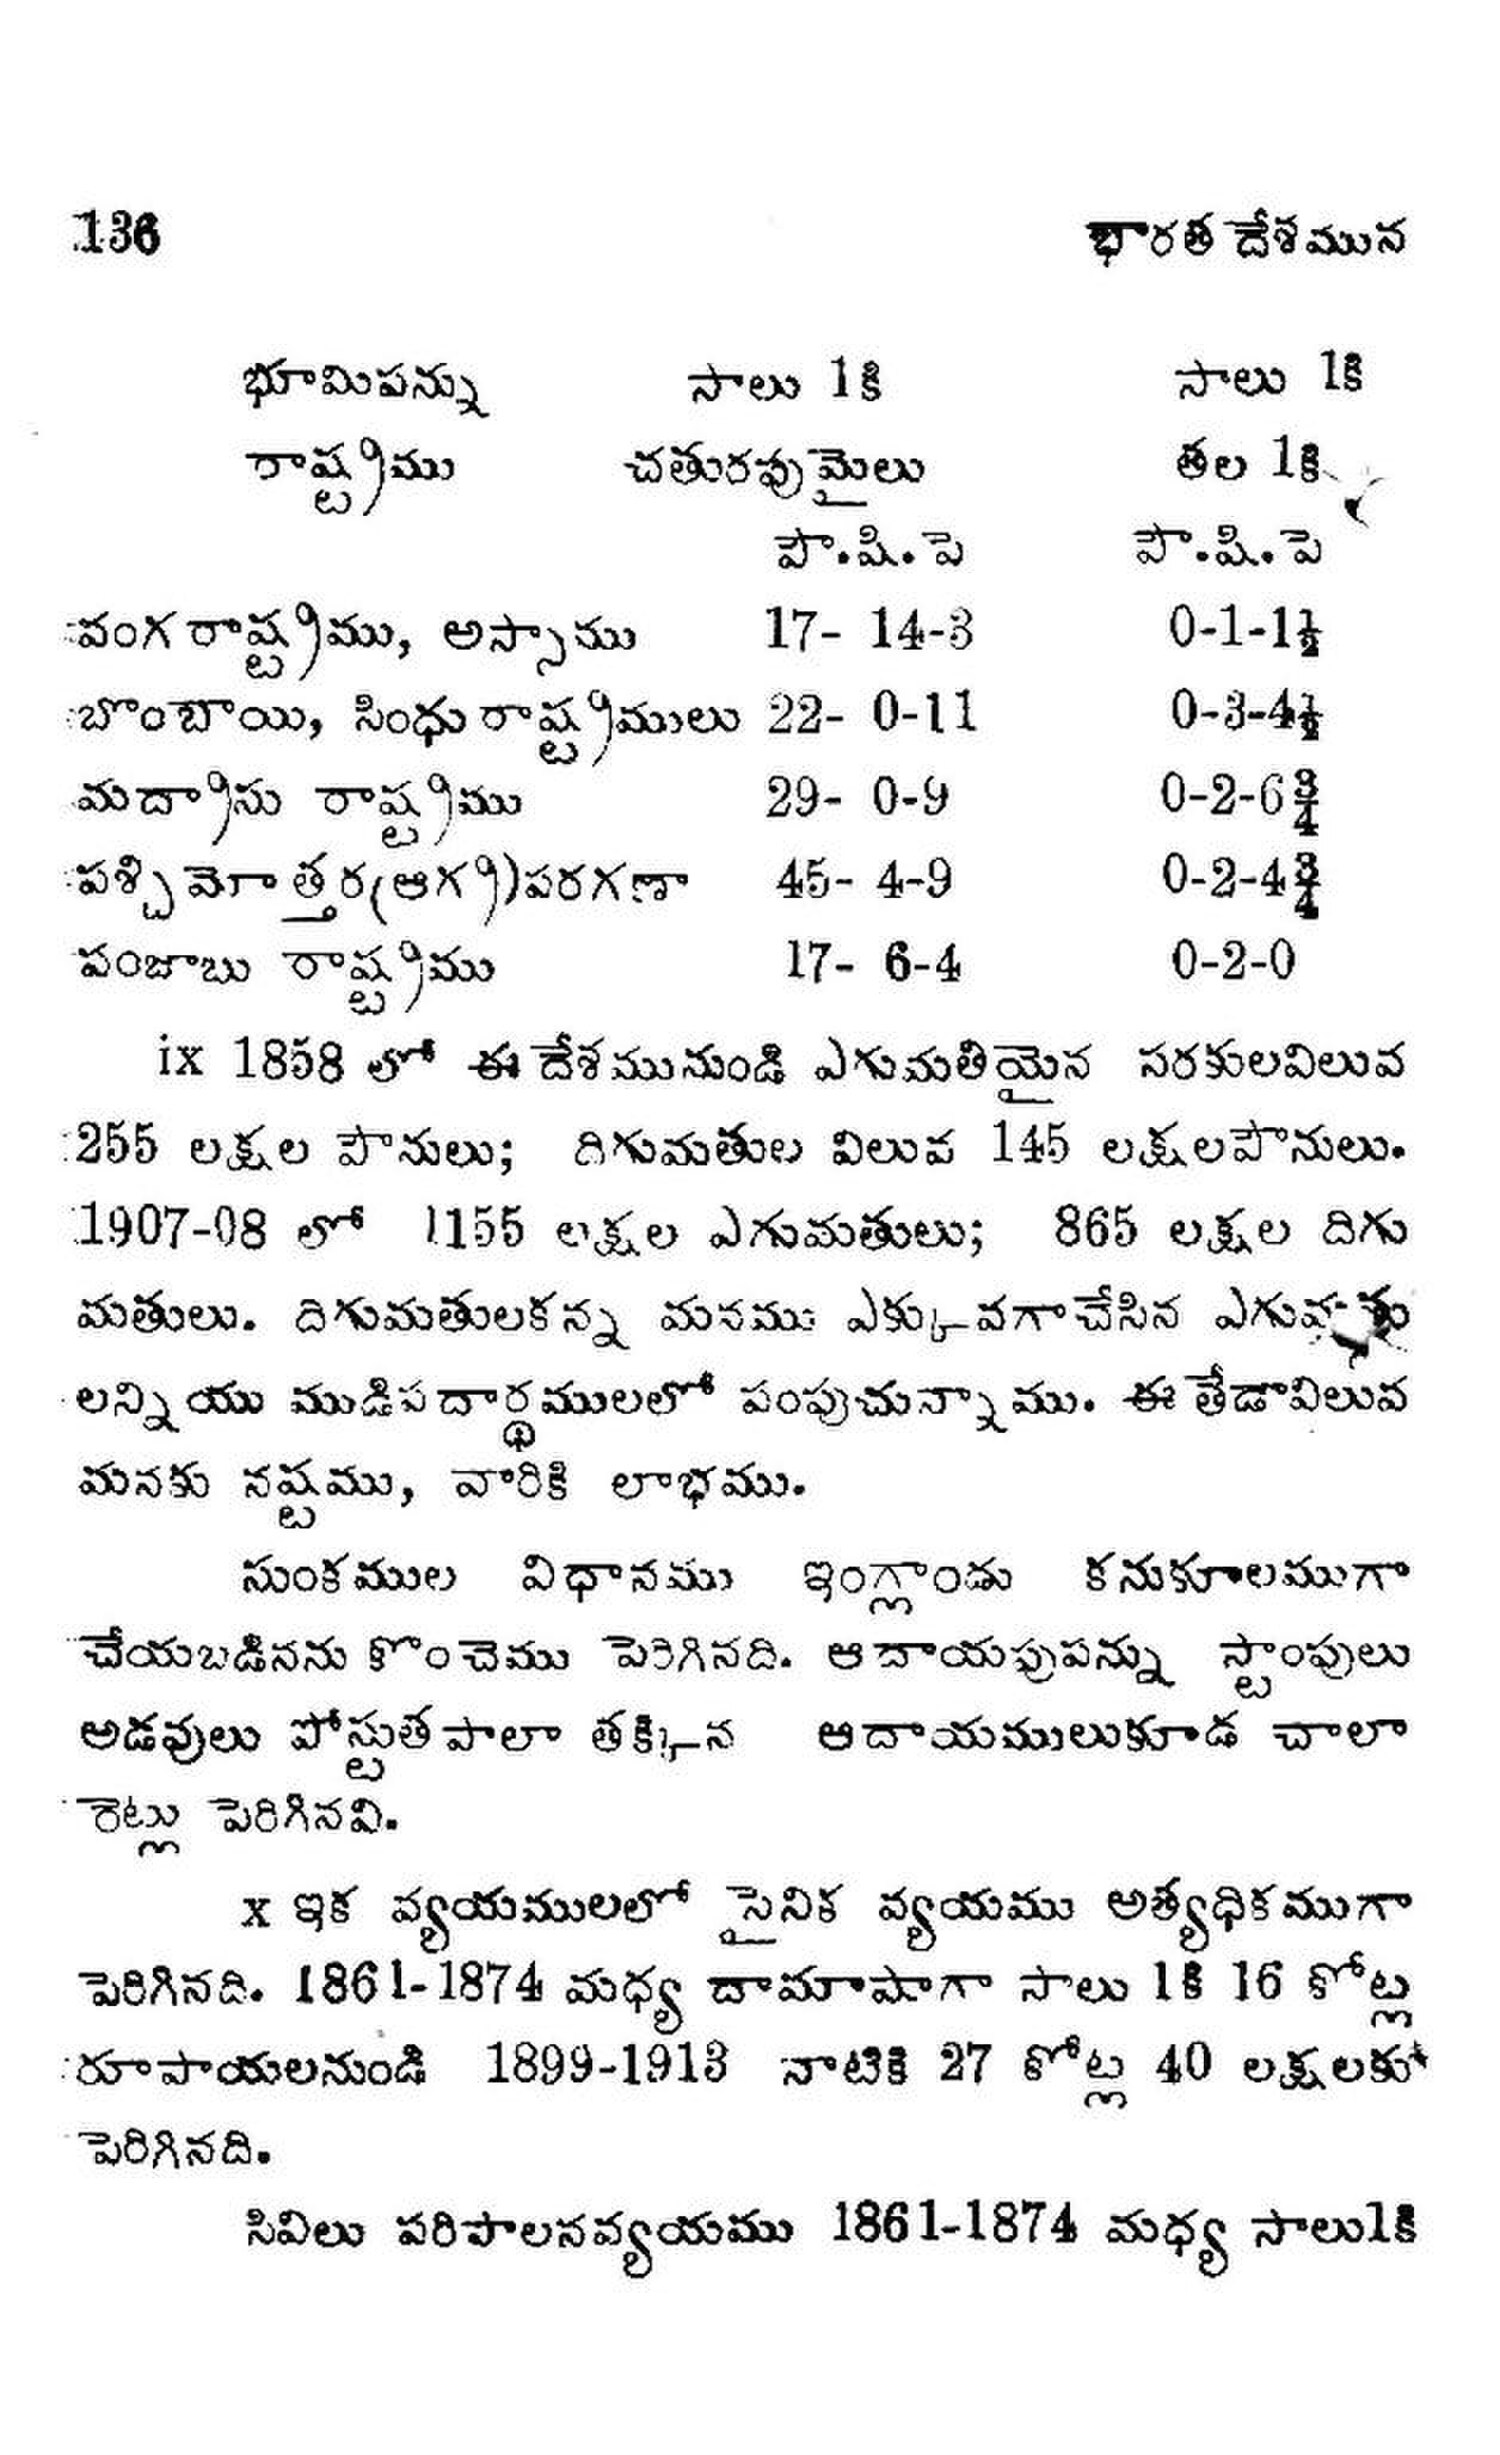భూమిపన్ను రాష్ట్రము సాలు 1కి చతురపుమైలు పౌ. షి. పె సాలు 1కి తల 1కి పౌ. షి. పె వంగరాష్ట్రము, అస్సాము 17 - 14 - 3 0 - 1 - 1 1/2 బొంబాయి, సింధురాష్ట్రములు 22 - 0 - 11 0 - 3 - 4 1/2 మద్రాసు రాష్ట్రము 29 - 0 - 9 0 - 2 - 6 3/4 పశ్చిమోత్తర (ఆగ్రా) పరగణా 45 - 4 - 9 0 - 2 - 4 3/4 పంజాబు రాష్ట్రము 17 - 6 - 4 0 - 2 - 0

ix 1858 లో ఈదేశమునుండి ఎగుమతియైన సరకులవిలువ 255 లక్షల పౌనులు; దిగుమతుల విలువ 145 లక్షల పౌనులు. 1907-08 లో 1155 లక్షల ఎగుమతులు; 865 లక్షల దిగుమతులు, దిగుమతులకన్న మనము ఎక్కువగాచేసిన ఎగుమతులన్నియు ముడిపదార్ధములలో పంపుచున్నాము. ఈ తేడావిలువ మనకు నష్టము, వారికి లాభము.

సుంకముల విధానము ఇంగ్లాండు కనుకూలముగా చేయబడినను కొంచెము పెరిగినది. ఆదాయపుపన్ను స్టాంపులు అడవులు పోస్టుతపాలా తక్కిన ఆదాయములుకూడ చాలా రెట్లు పెరిగినవి.

x ఇక వ్యయములలో సైనిక వ్యయము అత్యధికముగా పెరిగినది. 1861-1874 మధ్య దామాషాగా సాలు 1కి 16 కోట్ల రూపాయలనుండి 1899-1913 నాటికి 27 కోట్ల 40 లక్షలకు పెరిగినది.

సివిలు పరిపాలనవ్యయము 1861-1874 మధ్య సాలు1కి